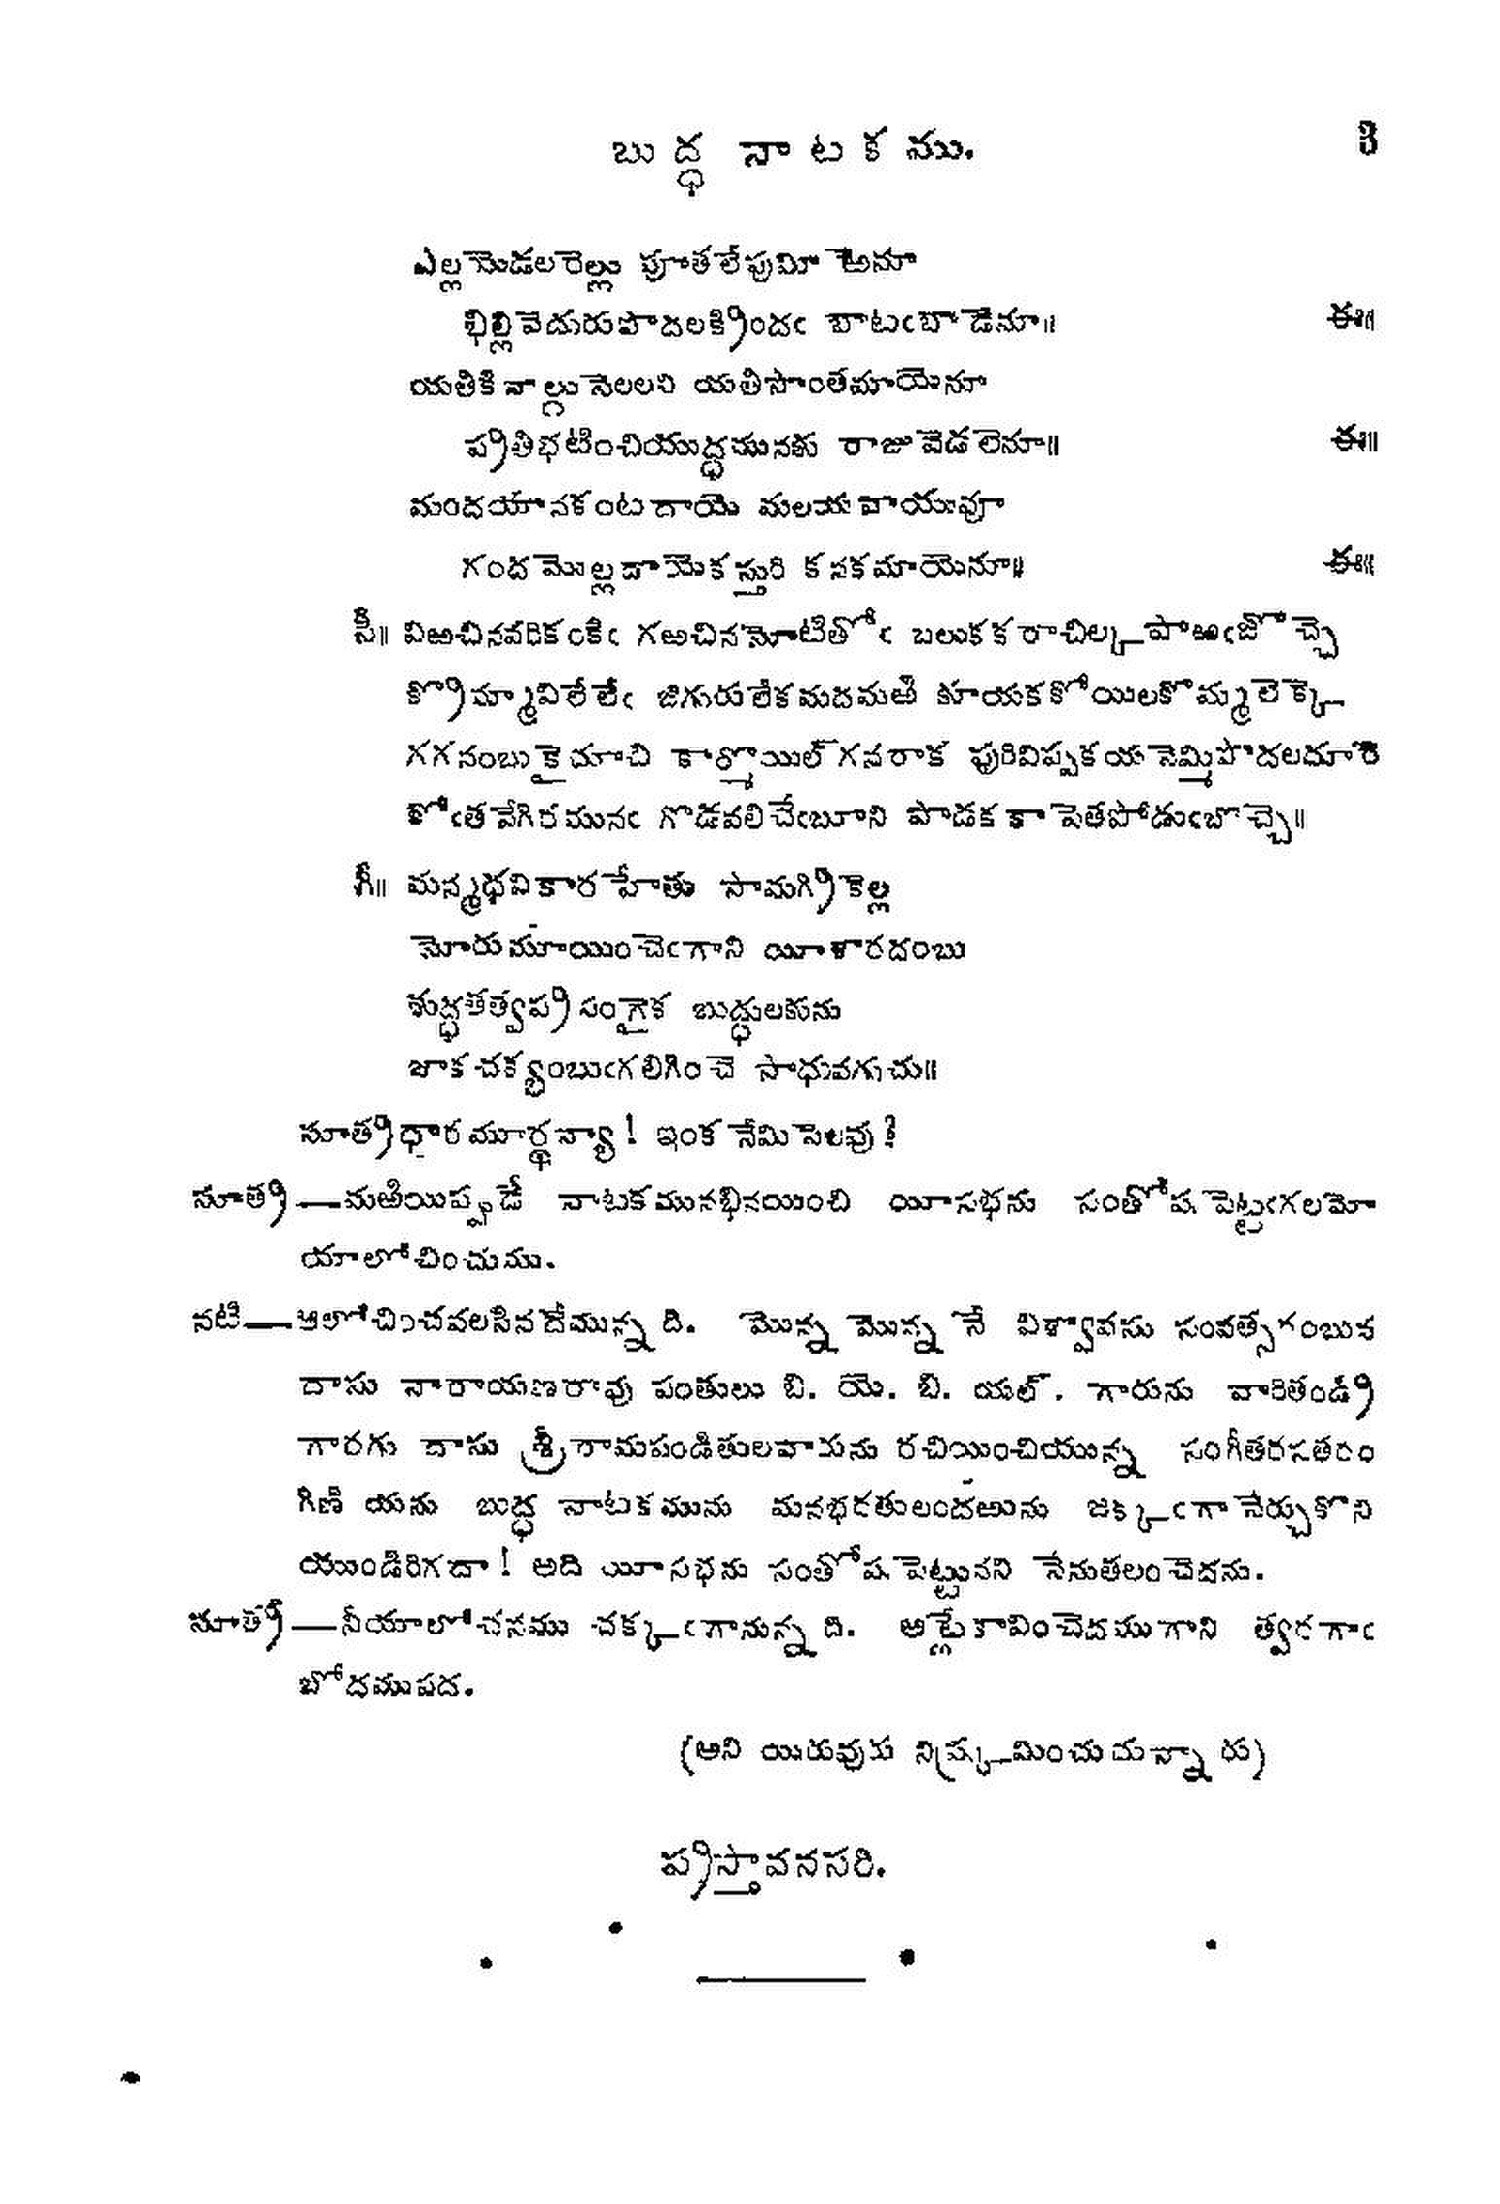ఎల్లమెడలరెల్లు పూతలేపుమీఱెనూ
భిల్లి వెదురుపొదలకిందఁ బాటఁబాడెనూ॥ 
యతీకి నాల్గు నెలలని యతీసొంతమాయెనూ
ప్రతిభటించియుద్ధమునకు రాజు వెడలెనూ॥ 
మందయానకంటదాయె మలయ వాయువూ
గందమొల్లడాయెకస్తురి కనకమాయెనూ!॥

సీ॥ విఱచినవరికంకిఁ గఱచినమోటితోఁ బలుకకరాచిల్క పాఱఁజొచ్చె
కొమ్మానిలేలేఁ జిగురులేకమదమఱి కూయకకోయిలకొమ్మలెక్కె
గగనంబుకైచూచి కార్మొయిల్గనరాక పురివిప్పుకయనెమ్మిపొదలదూరె 
కోఁతవేగిరమునఁ గొడవలిచేఁబూని పాడకకా పెతపోడుఁబొచ్చె॥

గీ॥ మన్మధవి కార హేత సామగ్రి కెల్ల
మోరుమూయించెఁగాని యీశారదంబు
శుద్ధతత్వప్రసంగైక బుద్ధులకును
జాకచక్యంబుఁగలిగించె సాధువగుచు!॥

సూత్రధారమూర్ఖన్యా! ఇంక నేమిసెలవు?

సూత్ర — మఱియిప్పుడే నాటకము నభినయించి యీసభను సంతోషపెట్టఁగలమో యాలోచించుము.

నటి — ఆలోచించవలసినదేమున్నది. మొన్న మొన్న నే విశ్వానను సంవత్సరంబున
దాసు నారాయణరావు పంతులు బి. యె. బి. యల్. గారును వారితండ్రి 
గారగు దాసు శ్రీరామపండితులవారును రచియించియున్న సంగీతరసతరం
గిణి యను బుద్ధ నాటకమును మనభవతులందఱును జక్కఁగానేర్చుకొని
యుండిరిగదా! అది యీ సభను సంతోషపెట్టునని నేనుతలంచెదను.

సూత్ర — నీయాలోచనము చక్కఁగానున్నది. అట్లేకావించెదముగాని త్వరగాఁ బోధముపద.